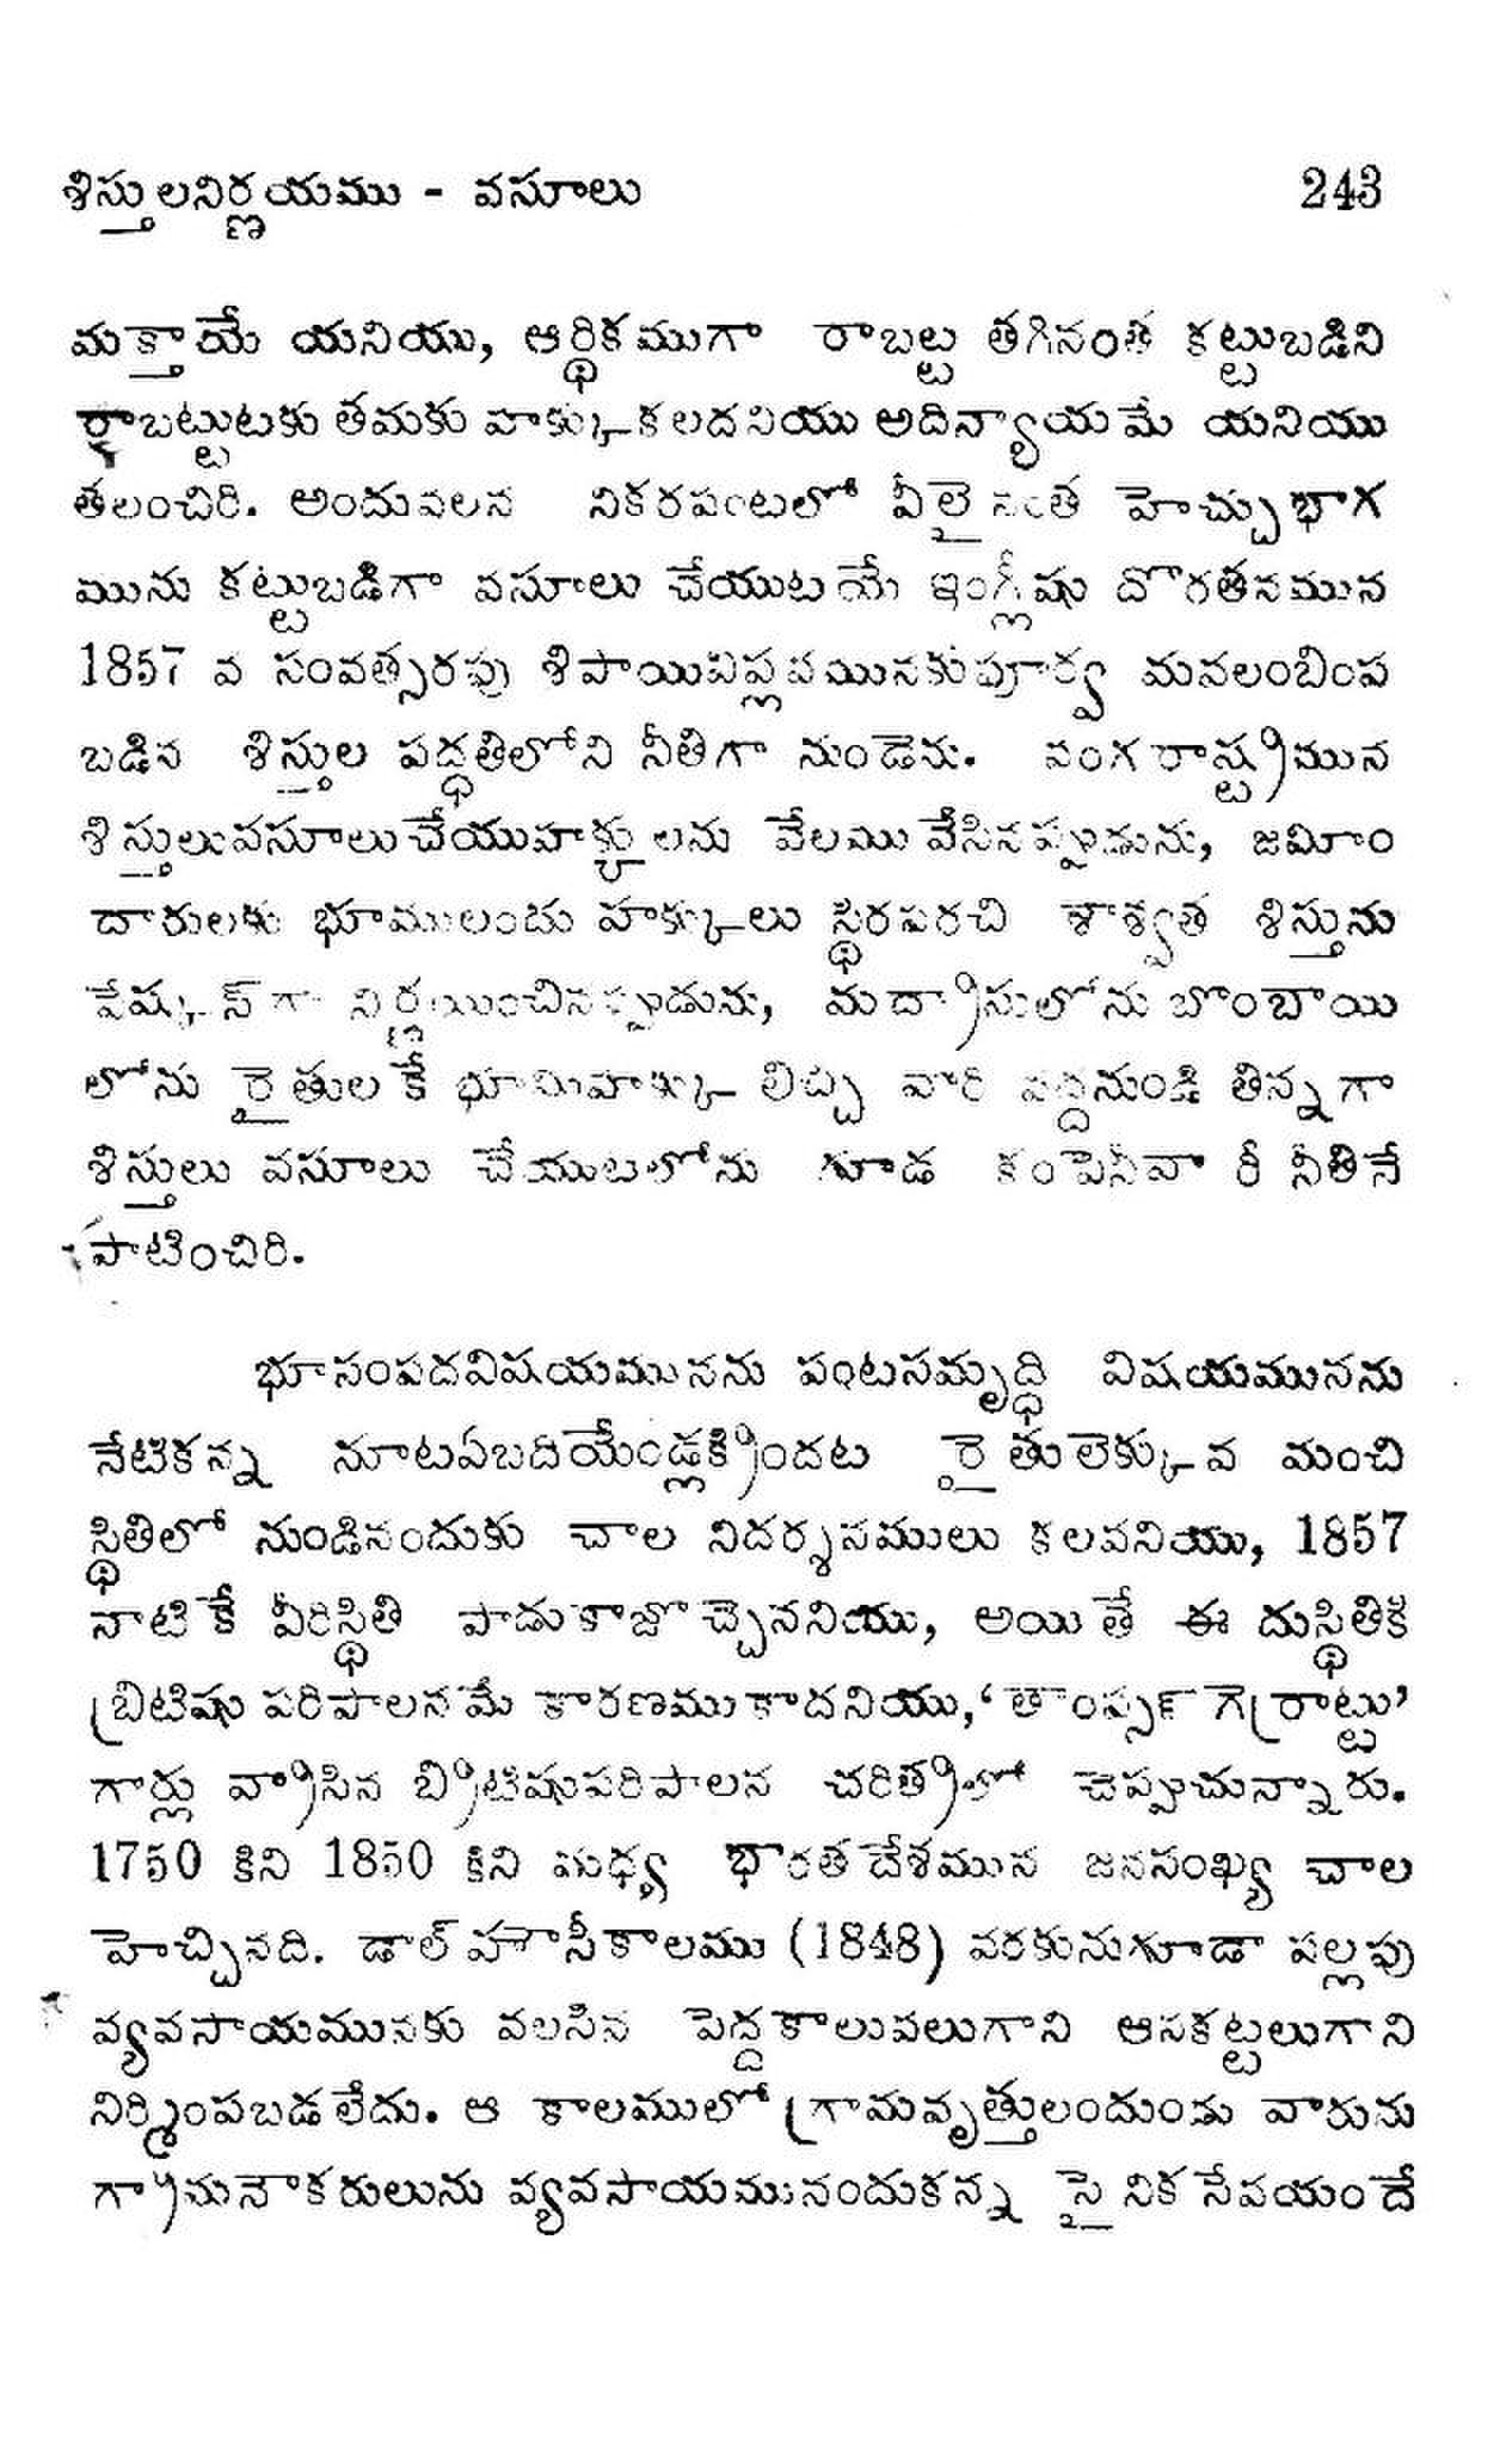మక్తాయే యనియు, ఆర్థికముగా రాబట్ట తగినంత కట్టుబడిని రాబట్టుటకు తమకు హక్కుకలదనియు అదిన్యాయమే యనియు తలంచిరి. అందువలన నికరపంటలో వీలైనంత హెచ్చు భాగమును కట్టుబడిగా వసూలు చేయుటయే ఇంగ్లీషు దొరతనమున 1857 వ సంవత్సరపు శిపాయివిప్లవమునకుపూర్వ మవలంబింపబడిన శిస్తుల పద్దతిలోని నీతిగా నుండెను. వంగరాష్ట్రమున శిస్తులువసూలు చేయుహక్కులను వేలము వేసినప్పుడును, జమీందారులకు భూములందు హక్కులు స్థిరపరచి శాశ్వత శిస్తును పేష్కస్ గా నిర్ణయించినప్పుడును, మద్రాసులోను బొంబాయిలోను రైతులకే భూమిహక్కులిచ్చి వారి వద్దనుండి తిన్నగా శిస్తులు వసూలు చేయుటలోను గూడ కంపెనీవా రీ నీతినే పాటించిరి.

భూసంపదవిషయమునను పంటసమృద్ధి విషయమునను నేటికన్న నూటఏబదియేండ్లక్రిందట రైతులెక్కువ మంచిస్థితిలో నుండినందుకు చాల నిదర్శనములు కలవనియు, 1857 నాటికే వీరిస్థితి పాడుకాజొచ్చెననియు, అయితే ఈ దుస్థితికి బ్రిటిషు పరిపాలనమే కారణము కాదనియు, 'తాంప్సన్ గెర్రాట్టు' గార్లు వ్రాసిన బ్రిటిషుపరిపాలన చరిత్రలో చెప్పుచున్నారు. 1750 కిని 1850 కిని మధ్య భారతదేశమున జనసంఖ్య చాల హెచ్చినది. డాల్ హౌసీ కాలము (1848) వరకునుగూడా పల్లపు వ్యవసాయమునకు వలసిన పెద్దకాలువలుగాని ఆనకట్టలుగాని నిర్మింపబడలేదు. ఆ కాలములో గ్రామవృత్తులందుండు వారును గ్రామనౌకరులును వ్యవసాయమునందుకన్న పైనిక సేవయందే